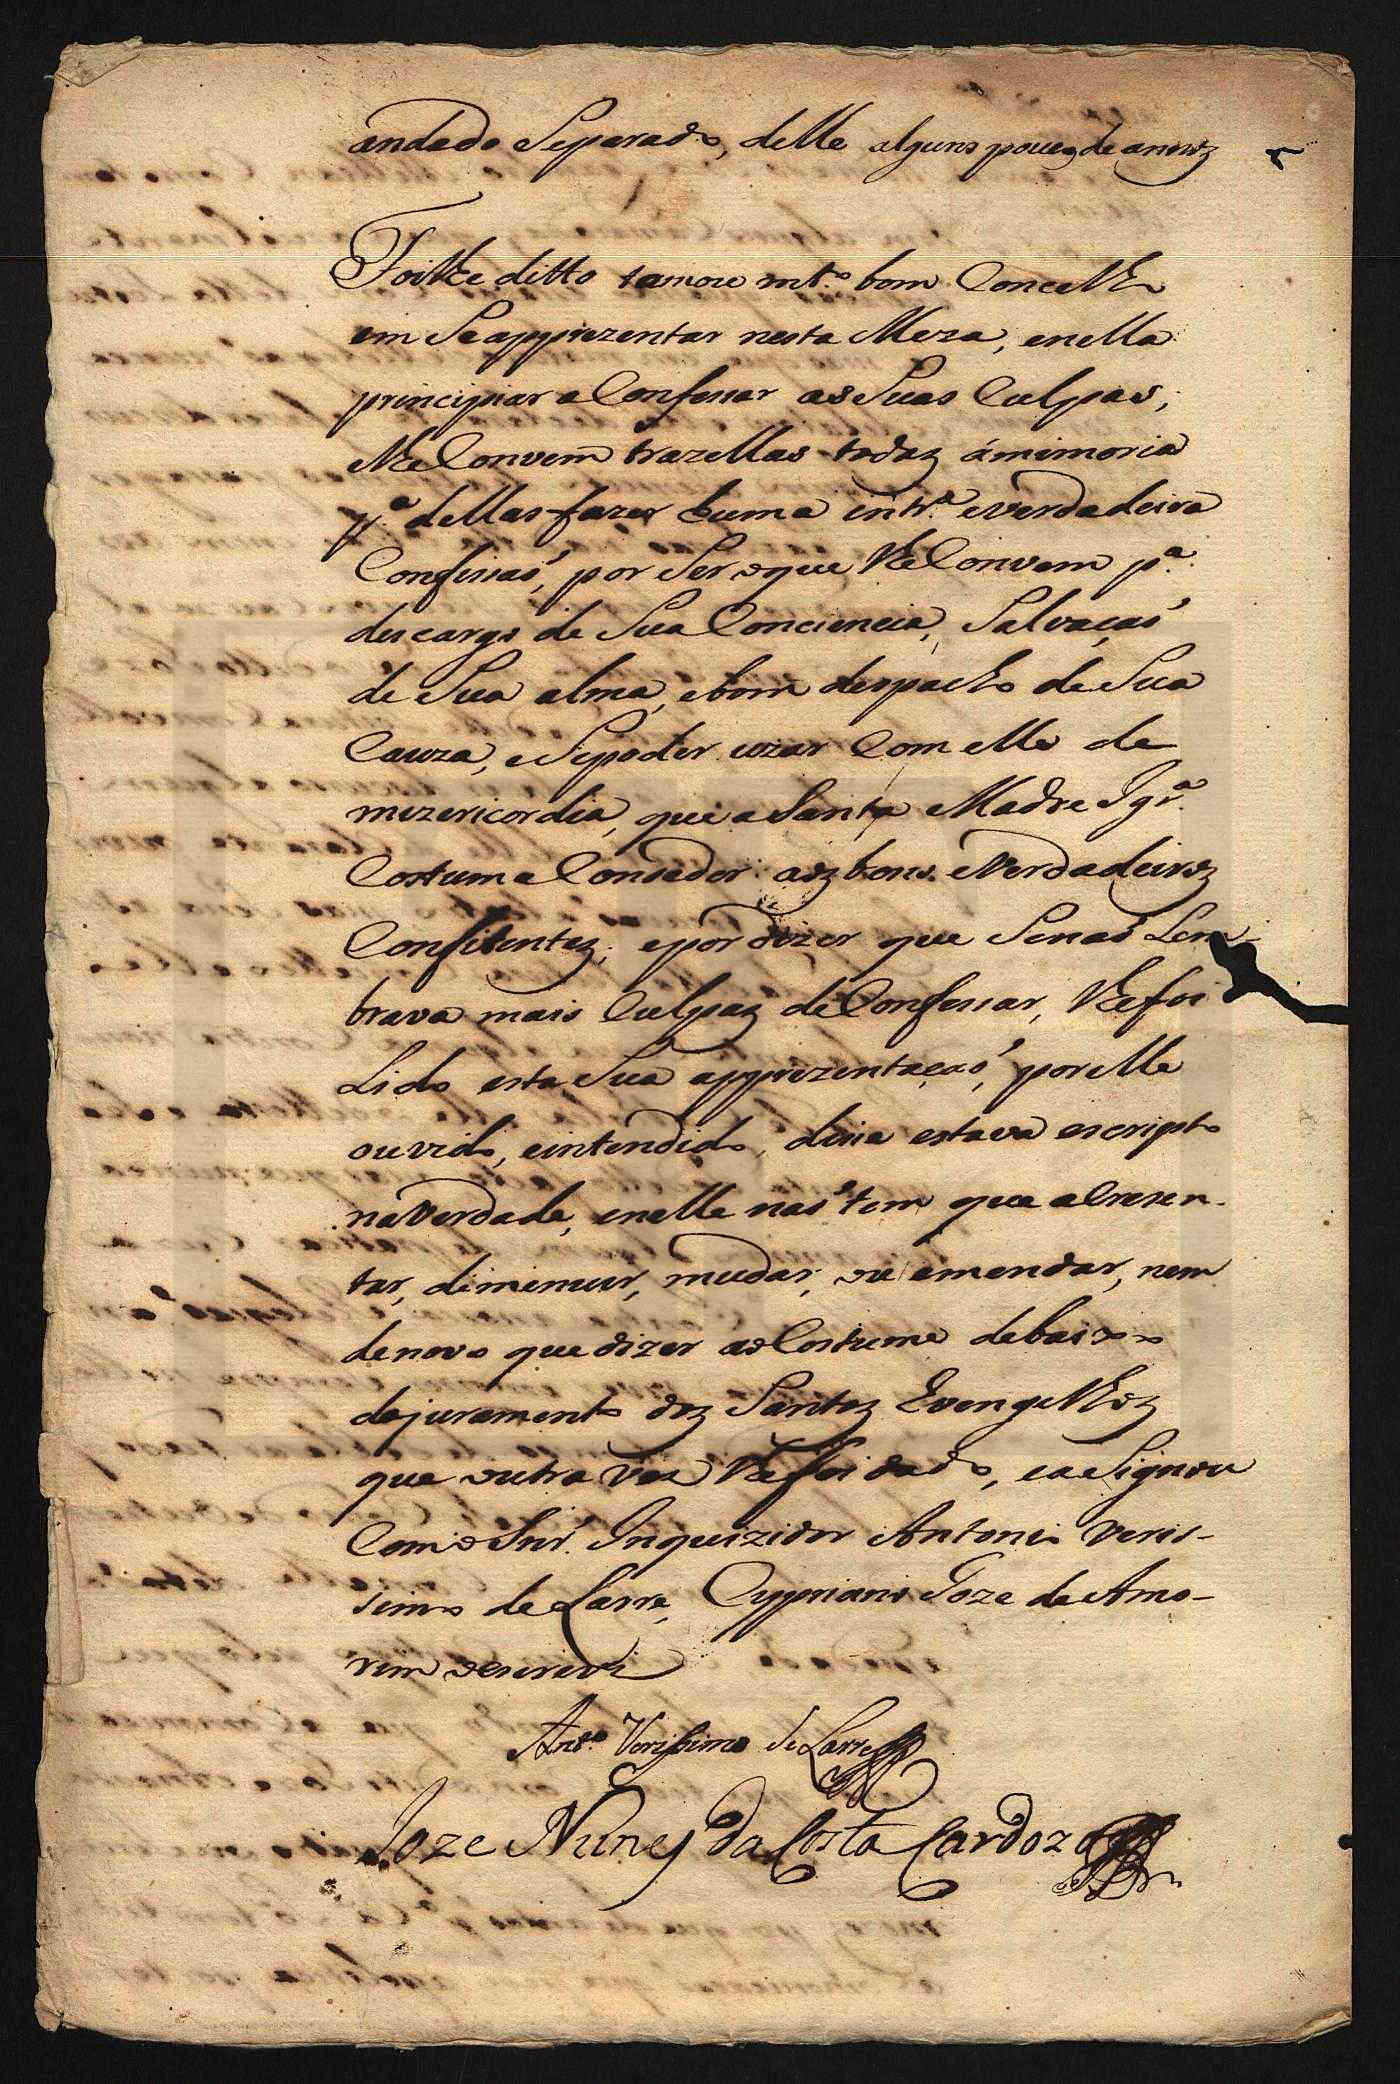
andado Separado, delle alguns poucos de annoz
Foilhe ditto tomou mt.o bom Concelho
em Se apprezentar nesta Meza, e nella
principiar a Confessar as Suas Culpas,
lhe Convem trazellas todaz á mimoria
p.a dellas fazer huma intr.a e verdadeira
Confissaõ, por Ser o que lhe Convem p.a
descargo de Sua Conciencia, Salvaçaõ
de Sua alma, e bom despacho de Sua
Cauza, e Se poder uzar Com elle de
mezericordia, que a Santa Madre Igr.a
Costuma Conseder aoz bons e verdadeiroz
Confitentez; e por dizer que Se naõ Lem
brava mais Culpaz de Confessar, lhe foi
Lido esta Sua apprezentaçaõ, por elle
ouvido, e intendido, disse estava escripto
na verdade, e nelle naõ tem que aCrescen
tar, diminuir, mudar ou emendar, nem
de novo que dizer ao Costume debaixo
do juramento doz Santoz Evangelhoz
que outra vez lhe foi dado, e aSignou
Com o Snr̄ Inquizidor Antonio veris
simo de Larre, Cypriano Ioze de Amo
rim o escrevi
Ant.o Verissimo de Larre
Ioze Nunes da Costa Cardozo
